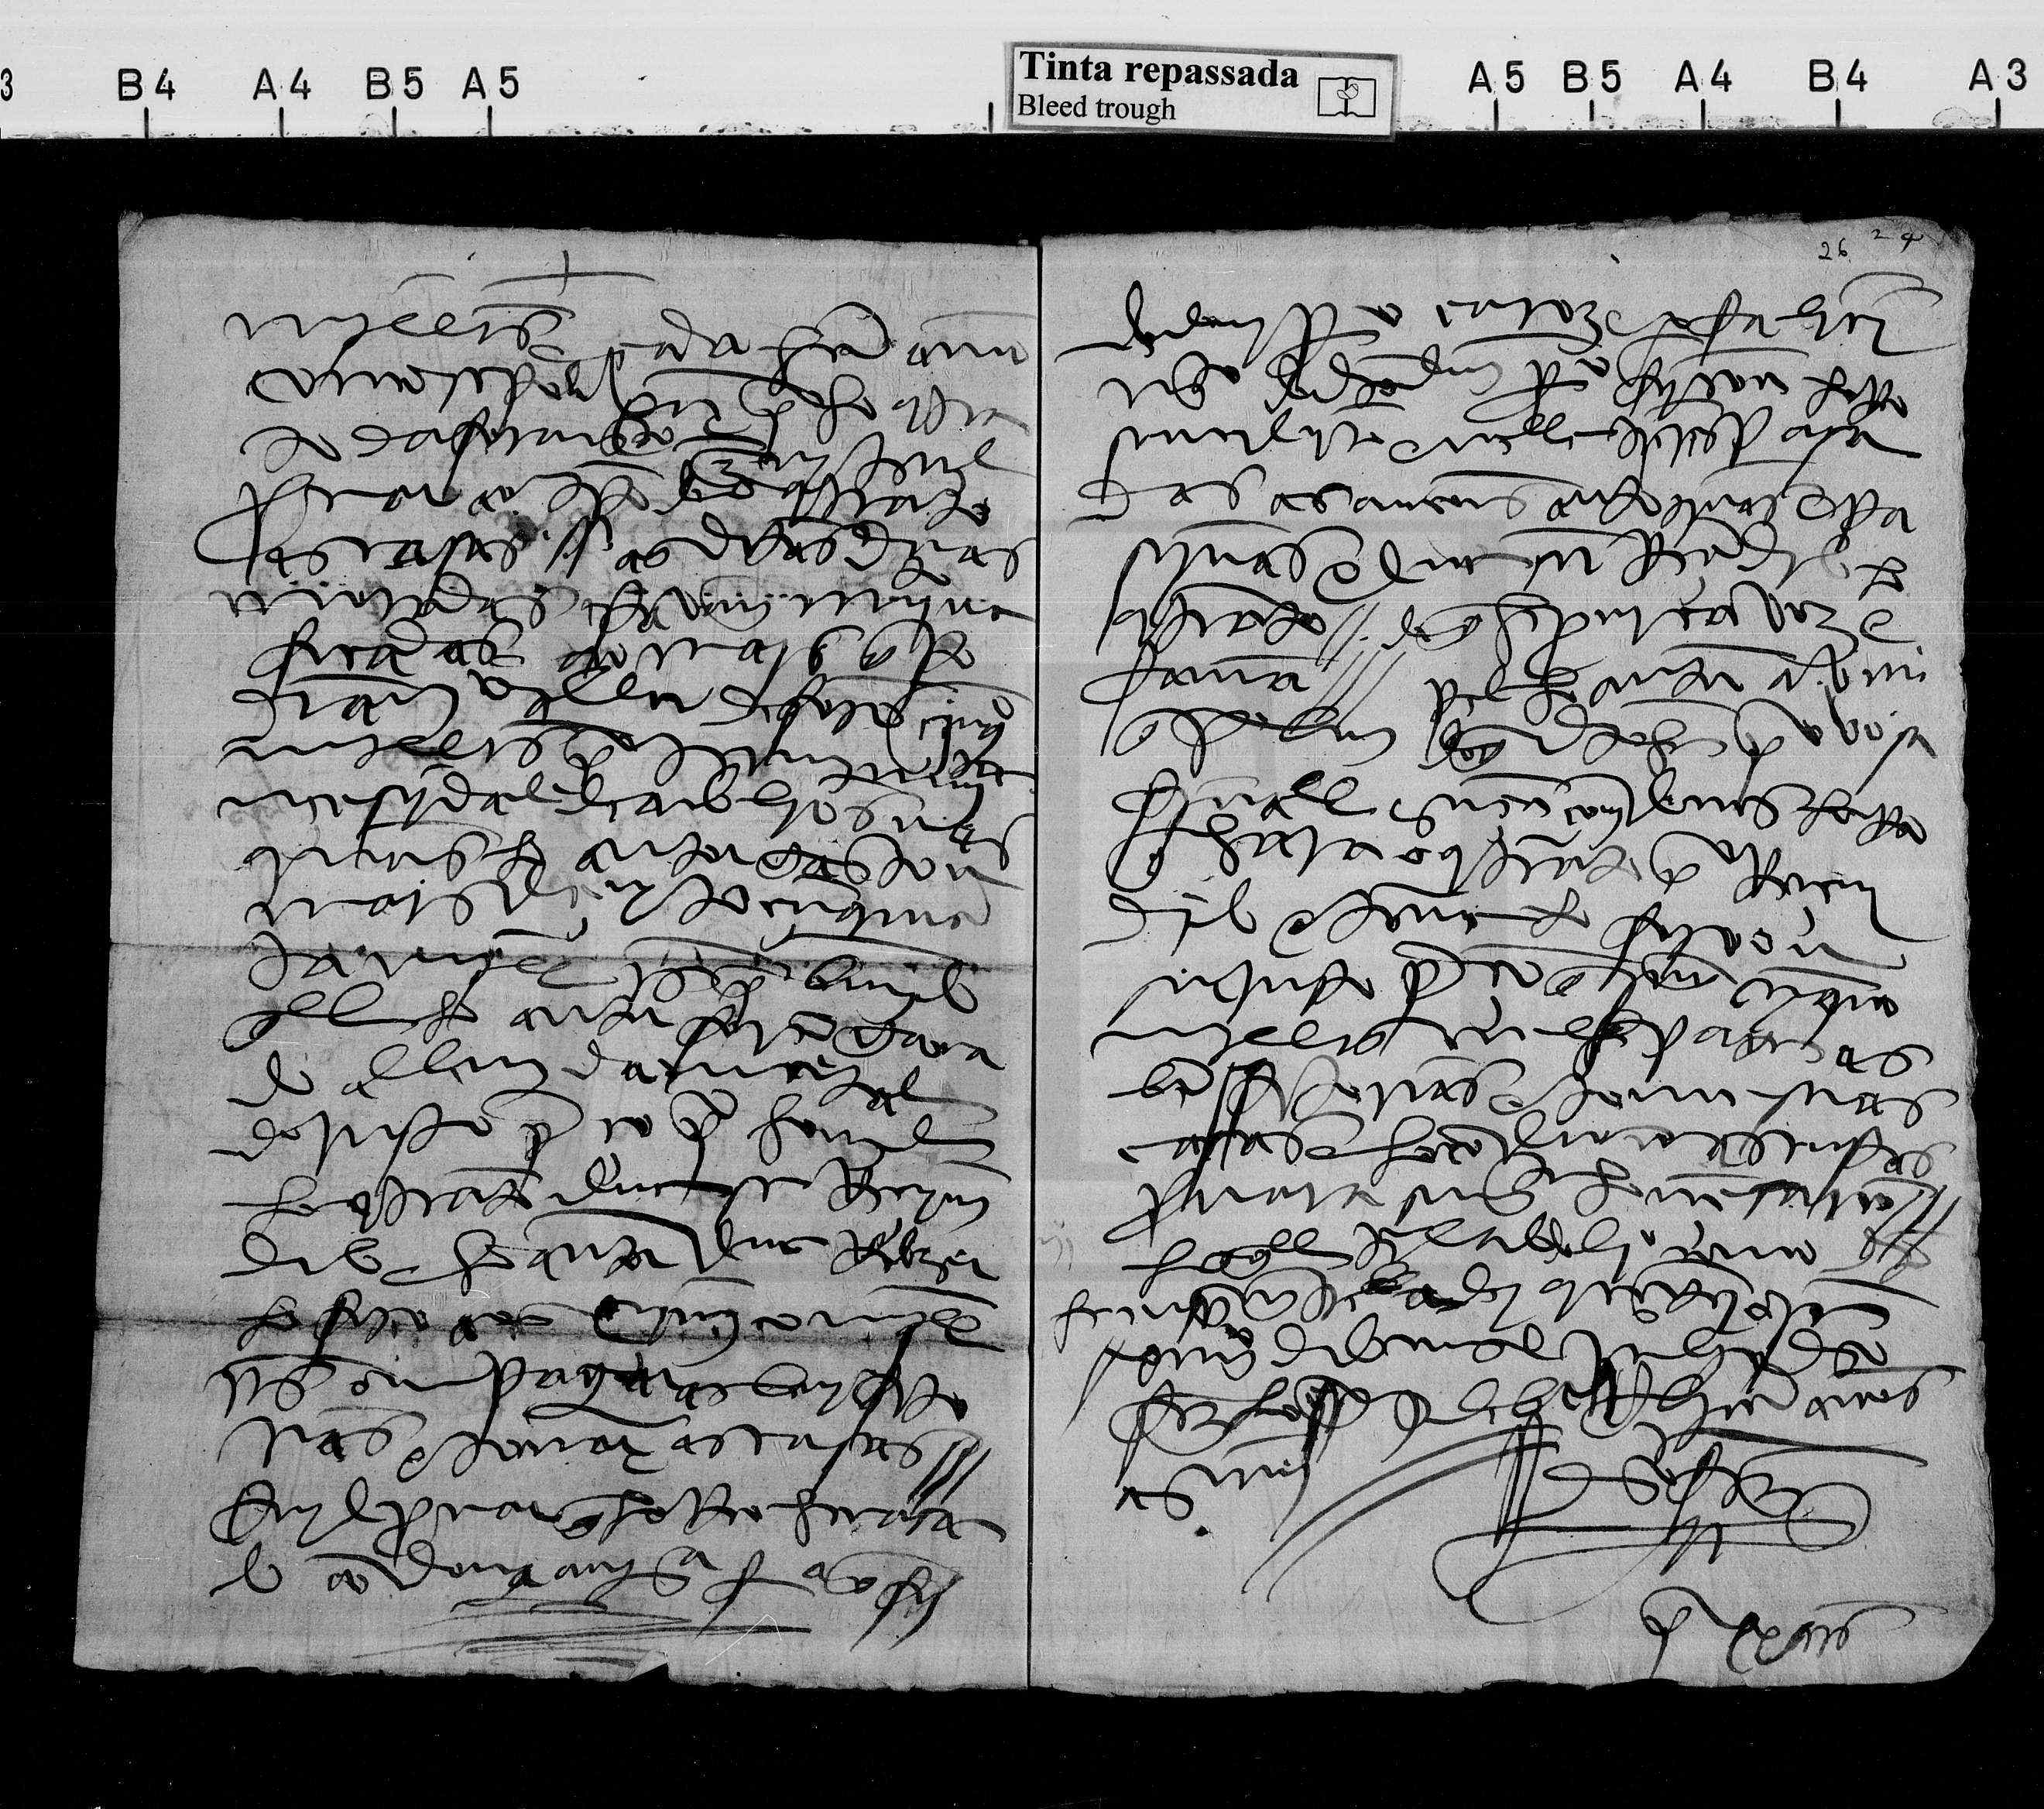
mjll r̄s e cada hū an̄o
como se pode ver p̄o ho ꝯtra
to daforamto item entende
ꝓuar ao tp̄o doo ꝯtrato
as casas .ss. as ditas duas
moradas estavam mujto ne
ficadas e no majs q̄ po
diam valler de foro cjnqo
mill rs̄ p̄o terem mujta
necesydade de adobjos nas
quaes ho autor gastou
majs de cento cinquoē
ta mjll r̄s p̄o bem do
q̄ll ho autor foj ēgana
do allem da metade
do Justo p̄ço p̄o homde
ho ꝯtrato deue ser Recym
dido e ho autor deue Redozir
ho foro aos cjmco mjll
rr̄s ou pagar as bemfjto
rias e tomar as casas //
Emde ꝓuar q̄ ho Reo he casa
do c̄o dona anta fa q̄ foj
de dom ꝑo caroz e ꝑ faljcj
mto do dito dom ꝑo fycou ho Reo
seu erdeyro e nelle trespasa
das as auções autotyuas e pa
syuas e deue ser Recēdjdo ho
ꝯtrato //. do q̄ he ꝓujca voz e
fama /// pede ho autor a .v m.
q̄ p̄o bem do q̄ dito he p̄o vosa
fjnall snç̄a comdenes ho Reo
q̄ haja o ꝯtrato p̄o Recem
djdo e torne ho foro ou
seu Justo p̄ço q̄ sam cynquo
mjll rs ou lhe page as
bēfjtorias e tome suas
casas e ho cōdene cō as custas
ꝓuara somte ho necesajro //
ho q̄ll trelado do ljo como dtō
he eu sp̄m trelladej ꝯcertej oJe
primo di do mes de Junho dso
fr̄z ho esp̄uj de bc R huū anōs
asinej
dso frz̄
p̄ xx rr̄s
